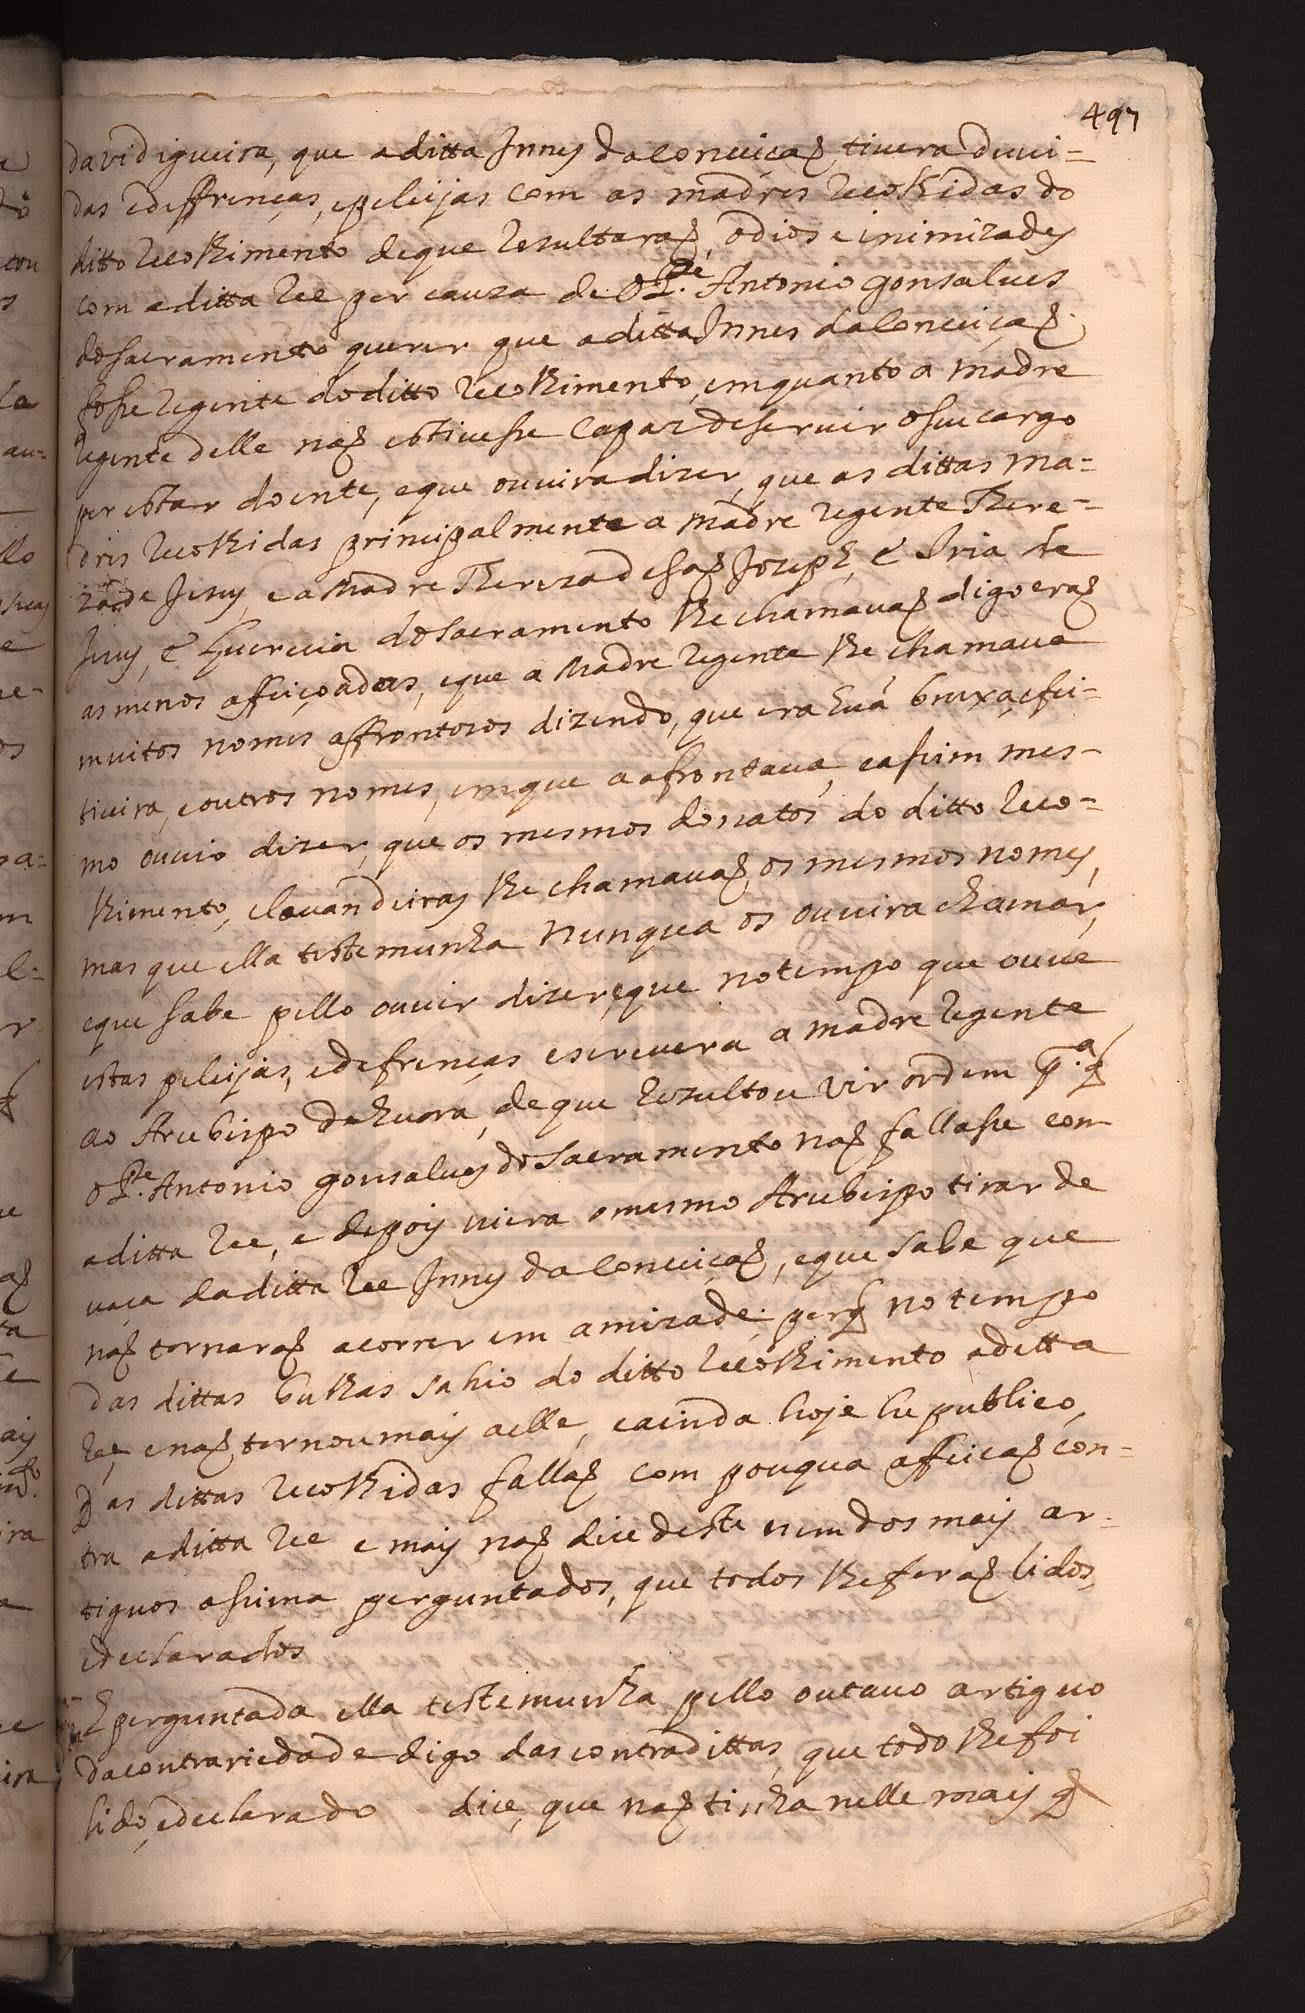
497
da vidigueira, que a ditta Jnnes da conceiçaõ tiuera duui
das e diffrenças, e pelejas com as madres Recolhidas do
ditto Recolhimento de que Resultaraõ odios e inimizades
com a ditta Ree por cauza de o P.e Antonio Gonsalues
do sacramento querer que a ditta Innes da Conceiçaõ
fosse Regente do ditto Recolhimento, emquanto a madre
Regente delle naõ estiuesse capaz de seruir o seu cargo
por estar doente, e que ouuira dizer que as dittas ma
dres Recolhidas principalmente a madre Regente There
za de Jesus, e a madre Thereza de Saõ Jozeph, e Iria de
Jesus, e Lucrecia do sacramento lhe chamauaõ digo eraõ
as menos affeiçoadas, e que a Madre Regente lhe chamaua
muitos nomes affrontosos dizendo, que era huā bruxa, e fei
ticeira, e outros nomes, em que a afrontaua, e assim mes
mo ouuio dizer que os mesmos donatos do ditto Reco
lhimento, e lauandeiras lhe chamauaõ os mesmos nomes,
mas que ella testemunha nunqua os ouuira chamar,
e que sabe pello ouuir dizer, e que no tempo que ouue
estas peleijas, e defrenças escreuera a madre Regente
ao Arcebispo de Euora, de que rezultou vir ordem p.a q̄
o P.e Antonio gonsalues do Sacramento naõ fallasse com
a ditta Ree, e depois uiera o mesmo Arcebispo tirar de
uaça da ditta Ree Jnnes da conceiçaõ, e que sabe que
naõ tornaraõ a correr em amizade, porq̄ no tempo
das dittas bulhas sahio do ditto Recolhimento a ditta
Ree, e naõ tornou mais a elle, e ainda hoje he publico,
q̄ as dittas Recolhidas fallaõ com pouqua affeiçaõ con
tra a ditta Ree e mais naõ dice deste nem dos mais ar
tiguos assima perguntados, que todos lhe foraõ lidos,
e declarados
E perguntada ella testemunha pello outauo artiguo
da contrariedade digo das contradittas, que todo lhe foi
lido, e declarado dice, que naõ tinha nelle mais q̄
